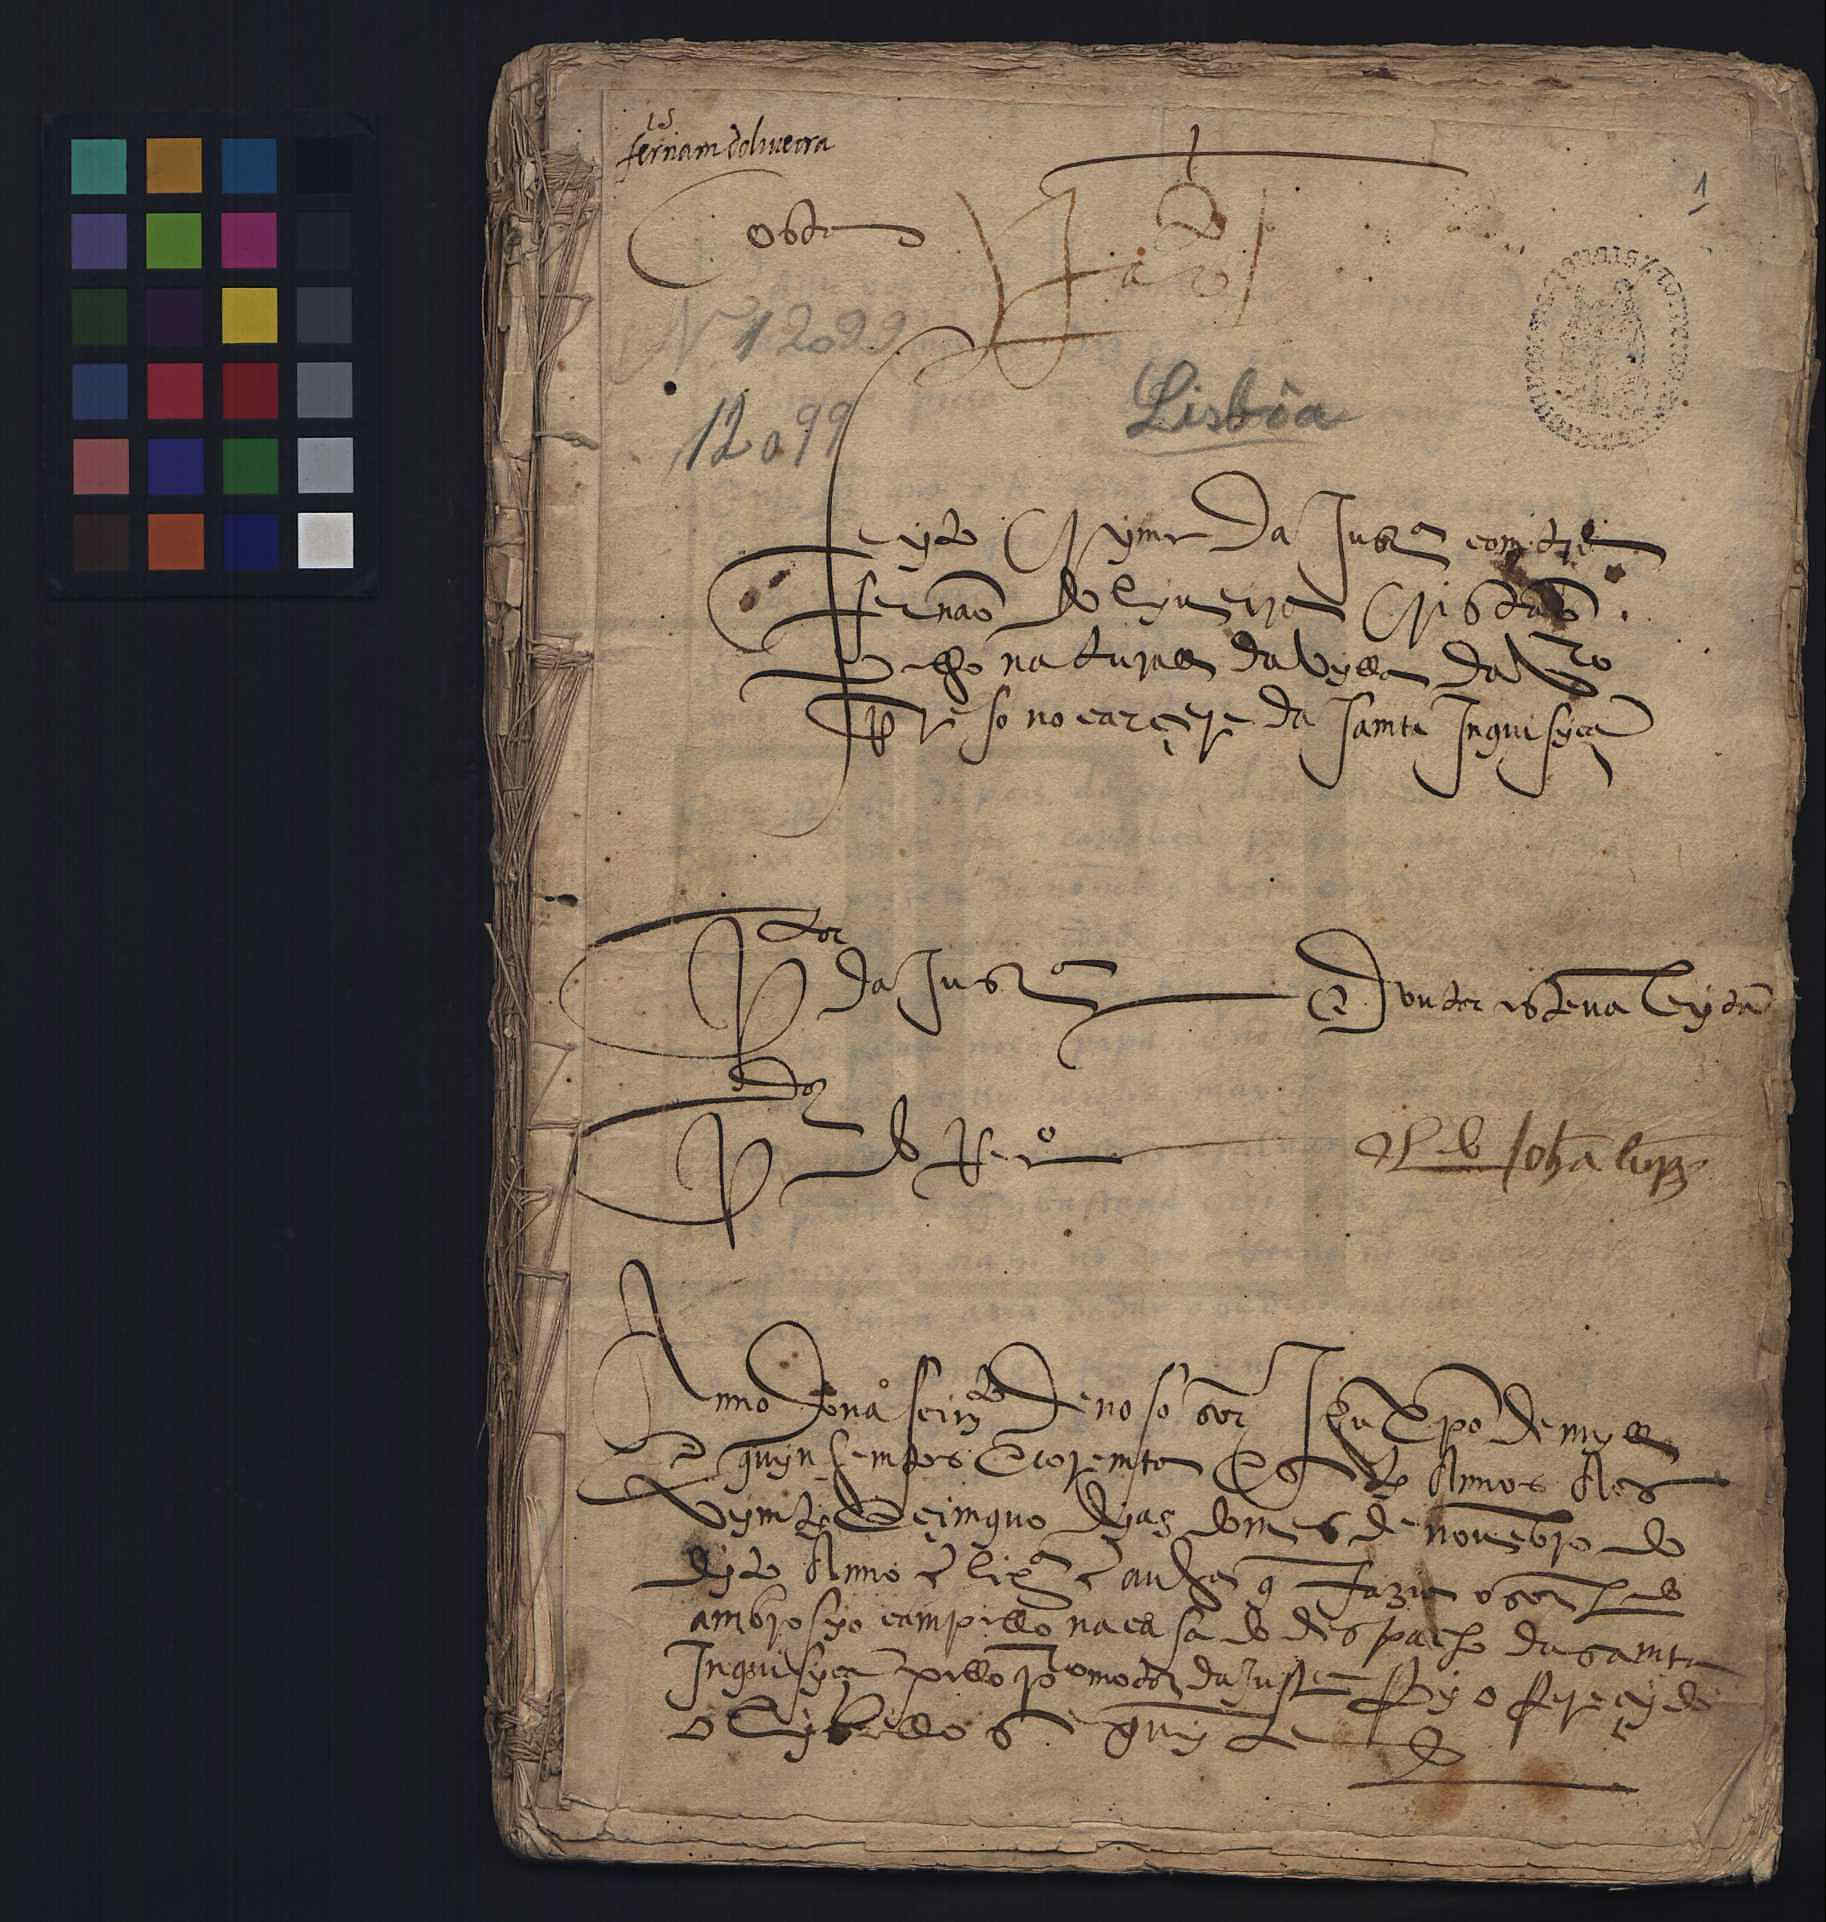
fernam doliueira
Costa
feyto Cryme da Justa comtra
fernão dolyueira Cristão
velho naturall da vylla davro
preso no carçere da samta Jnquisyça
P̄tor da Justa
O doutor esteuā leytā
P̄dor do Reeo
O Ldo Johā lopez
Anno do nascimto de noso s̄or Jhū xp̄o de myll
e quynhemtos e coremta e setꝭ Annos Aos
vymte e çimquo dyas do mes de nouēbro do
dyto Anno ē lixa e audja q̄ fazia o s̄or Ldo
ambrosyo campello na casa do despacho da samta
Jnquisyçā pello promotor da Justa foy ofereçydo
o lybello seguȳte
